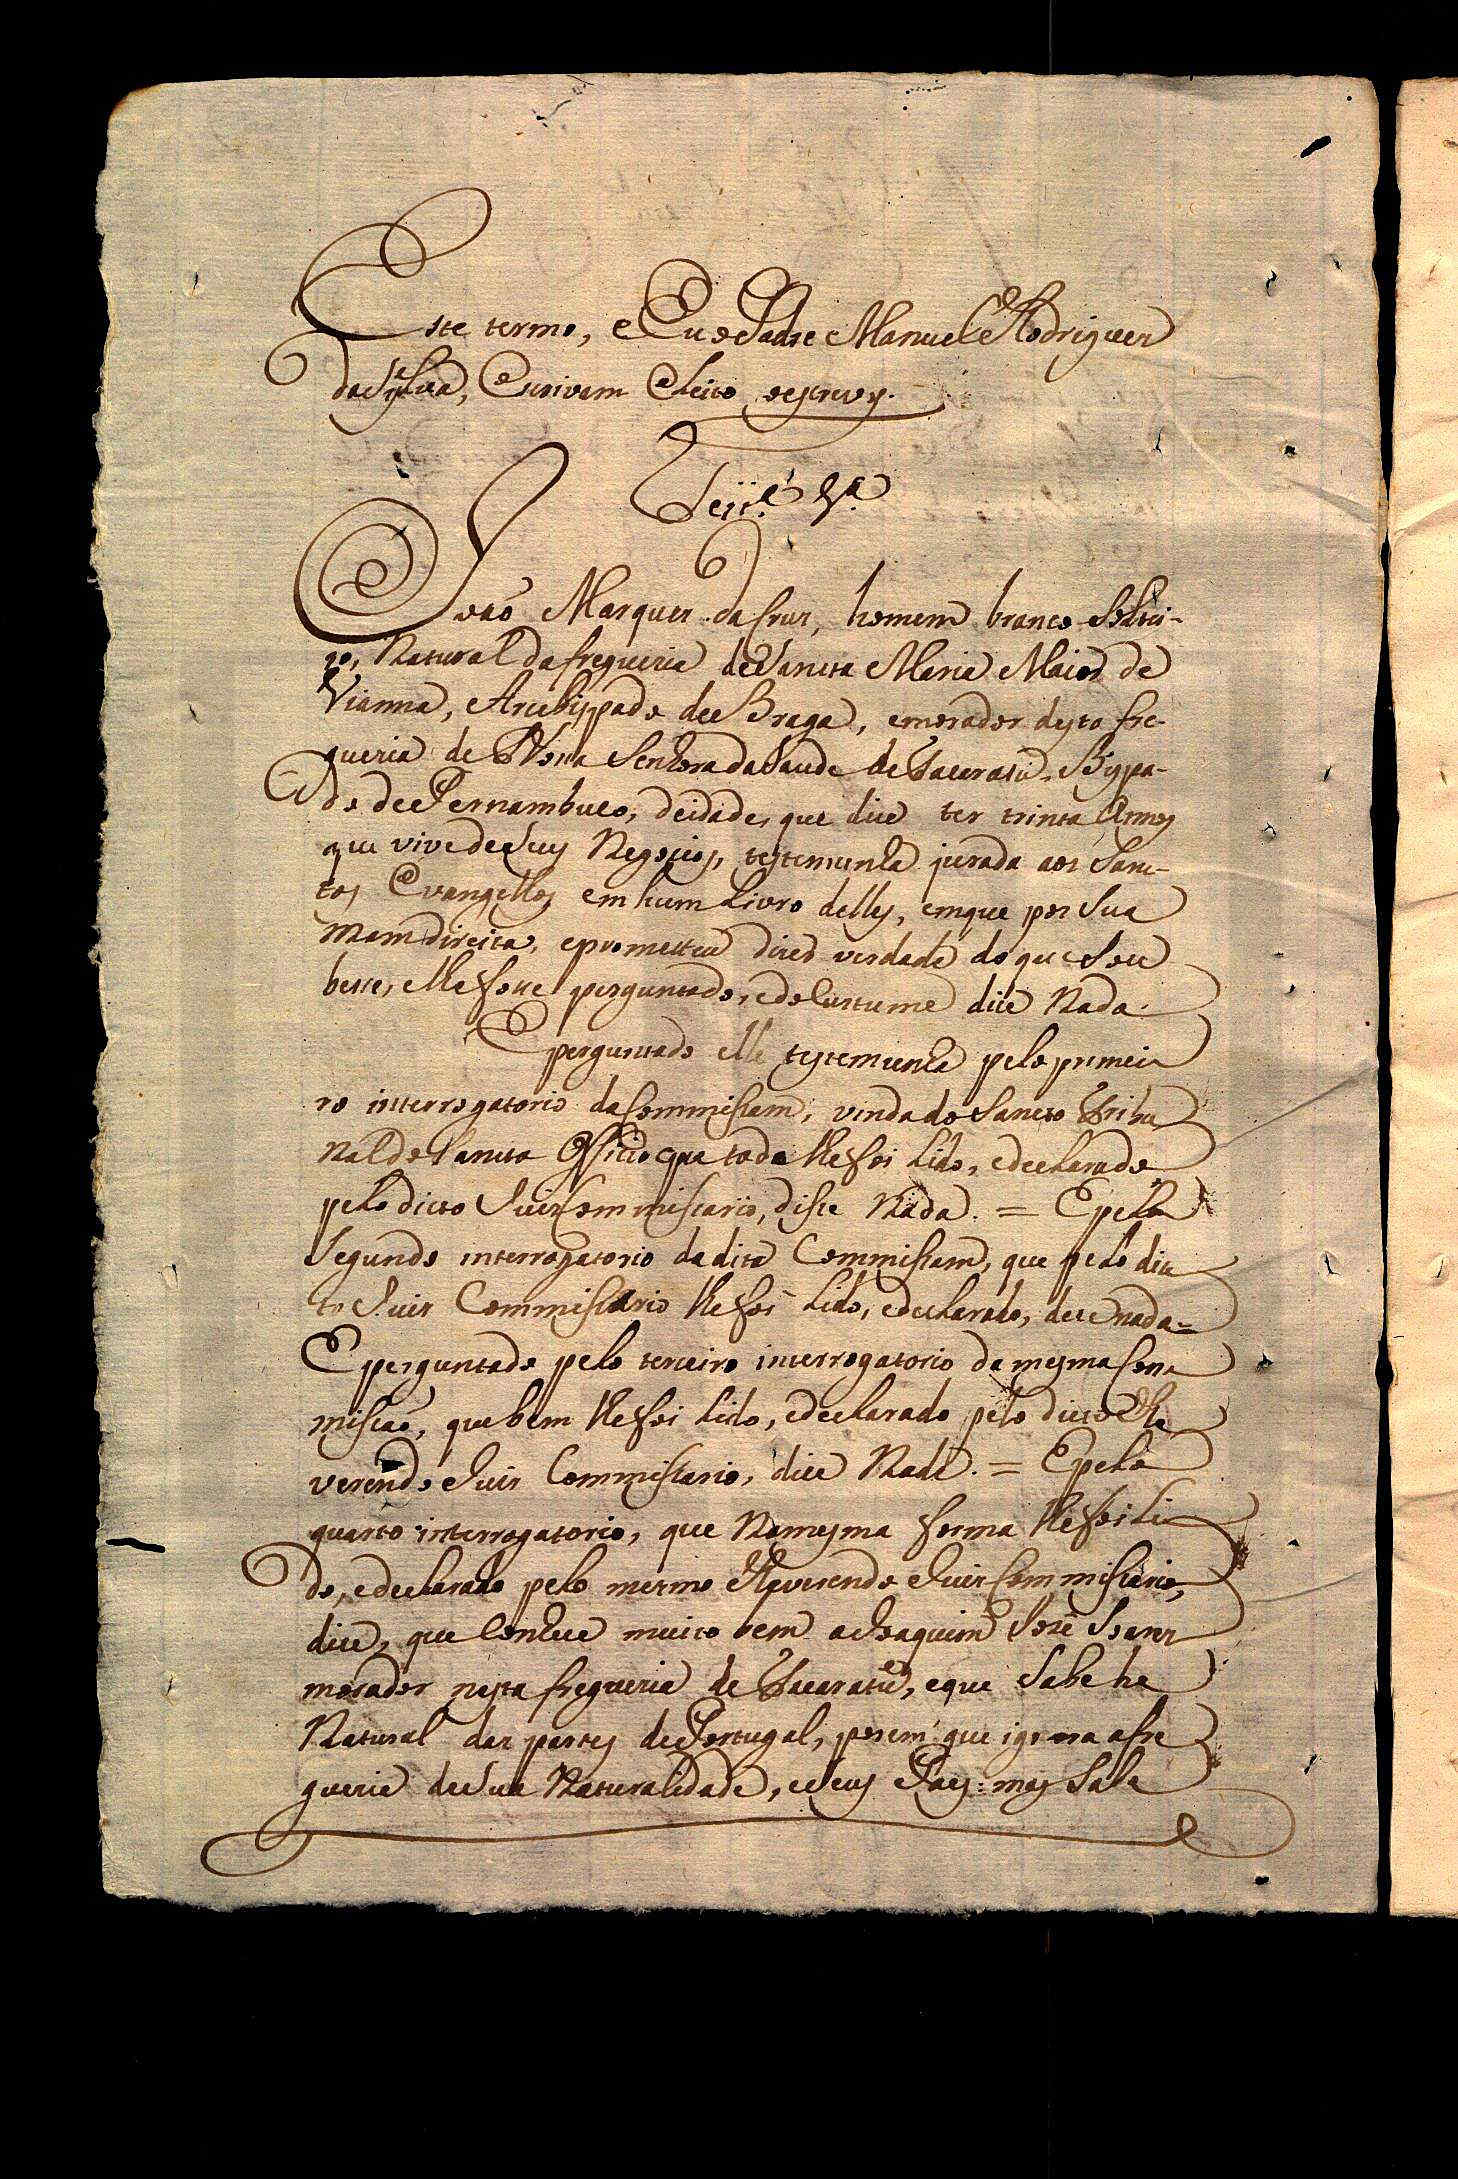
Este termo, e Eu o Padre Manuel Rodriguez
da Sylva, escrivam eLeito, o escrevy.
Joaõ Marquez da Cruz, homem branco SoLtei
ro, Natural da freguezia de Sancta Maria Maior de
Vianna, Arcebispado de Braga, e morador desta fre
guezia de Nossa Senhora da Saude de Tacaratú, Bispa
do de Pernambuco, de idade, que dice ter trinta annos
que vive de seus Negocios, testemunha jurada aos Sanc
tos evangelhos em hum Livro delles, em que poz sua
mam direita, e prometteu dizer verdade do que Sou
besse, e lhe fosse perguntado, e do Custume dice Nada
E perguntado elle testemunha pelo primei
ro interrogatorio da Commissam, vinda do Sancto Tribu
nal do Sancto Officio que todo lhe foi Lido, e decLarado,
pelo dicto Iuiz Commissario, disse Nada. = E pela
segundo interrogatorio da dita Commissam, que peLo dic
to Iuiz Commissario lhe foi Lido, e decLarado, dece nada
E perguntado pelo terceiro interrogatorio da mesma Com
missaõ, que bem lhe foi Lido, e decLarado pelo dicto Re
verendo Iuiz Commissario, dice Nada. = E peLo
quarto interrogatorio, que Na mesma forma lhe foi Li
do, e decLarado pelo mesmo Reverendo Iuiz Commissario,
dice, que conhece muito bem o Ioaquim Iozé Soarez
morador nesta freguezia de Tacaratú, e que Sabe he
Natural daz partes de Portugal, porem que ignora a fre
guezia de Sua Naturalidade, e seus Paes: mas Sabe
